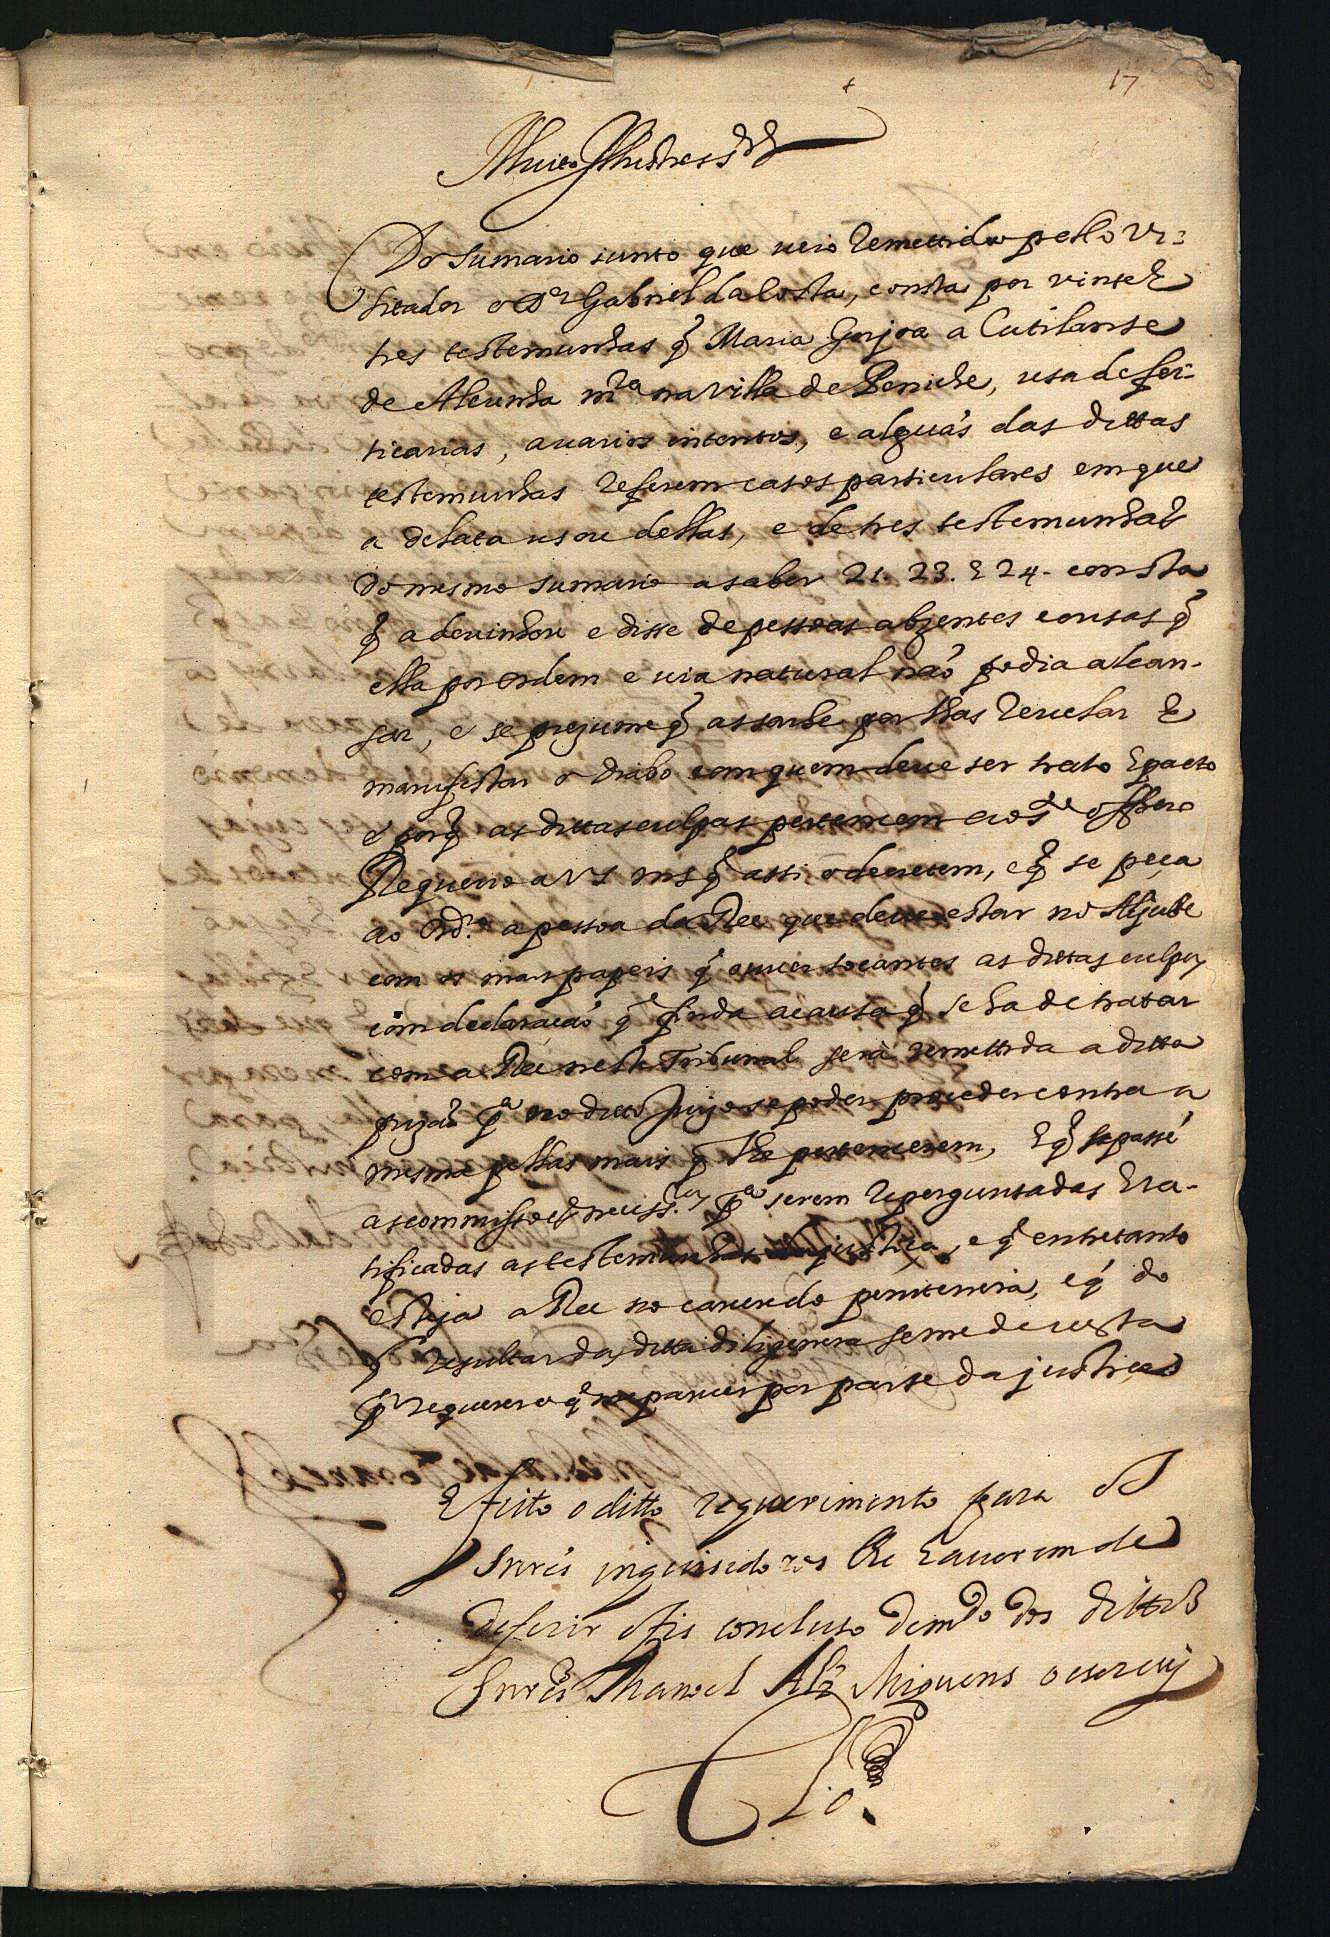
Muito Jllustres sres
Do Sumario iunto que ueio Remettido pello Vi
sitador o Dr Gabriel da Costa, consta por vinte E
tres testemunhas q̄ Maria Gorjoa a Cutilante
de Alcunha mra na villa de Peniche, usa de fei
tiçarias, a uarios intentos, e alguās das dittas
testemunhas Referem casos particulares em que
a delata usou dellas, e de tres testemunhas
do mesmo sumario a saber 21. 23. E 24 consta
q̄ adeuinhou e disse de pessoas abzentes cousas q̄
ella por ordem e uia natural naõ podia alcan
sar, e se prezume q̄ as soube por lhas Reuelar E
manifestar o Diabo com quem deue ter trato E pacto
e porq̄ as dittas culpas pertencem ao sto officio
Requeiro a Vs ms q̄ assi o decretem, e q̄ se peça
ao Ord.ro a pessoa da Ree que deue estar no Aljube
com os mais papeis q̄ tiuer tocantes as dittas culpas
com declaraçaõ q̄ finda a causa q̄ se ha de tratar
com a Ree neste Tribunal serà remettida a ditta
prizaõ pa no ditto Juizo se poder proceder contra a
mesma pellas mais q̄ lhe pertencerem, E q̄ se passē
as commissoẽs necess.rias pa serem Reperguntadas E ra
tificadas as testemunhas da justiça, e q̄ entretanto
esteja a Ree no carcere do penitencia, e q̄ do
q̄ resultar das ditta diligencia se me de uista
pa requerer o q̄ me parecer por parte da justiça
E feito o ditto requerimento para oS
snres̄ inquisidores lhe hauerem de
deferir o fis concluso de mdo dos dittos
Snrēs Manoel Alz̄ Miguens o escreuj
CLo.
